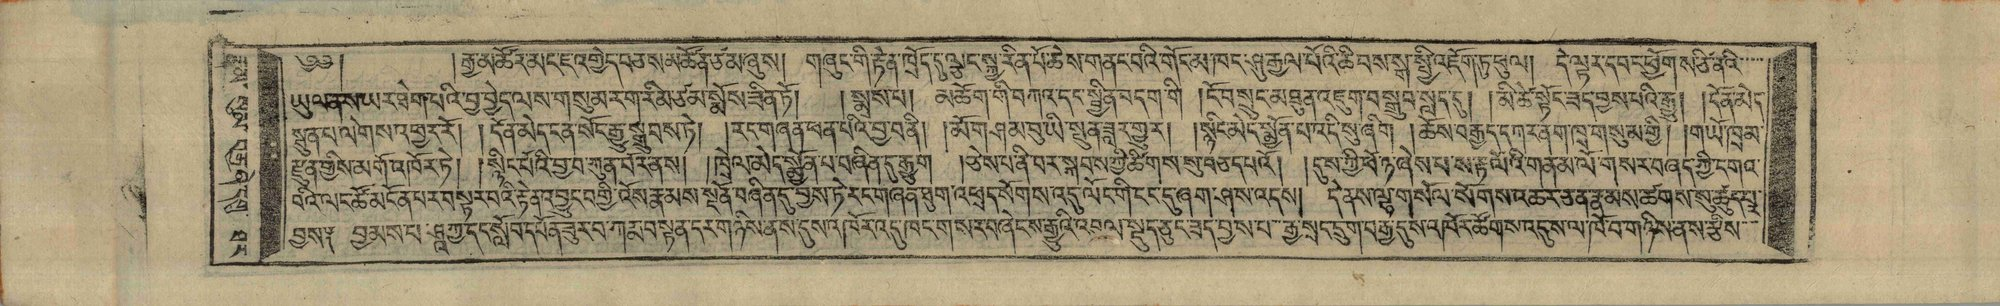༄༅། །རྒྱ་མཚོར་མང་ཇ་འགྱེད་བཅས་མཚོན་ཙམ་ཞུས། གཞུང་གི་རྟེན་ཁྲོད་དུ་ལྕང་སྐྱེ་རིན་པོ་ཆེས་གནང་པའི་གོང་མ་ཁང་ཤུ་རྒྱལ་པོའི་ཆིབས་སྒ་སྤྱི་འཇོག་ཏུ་ཕུལ། དེ་ལྟར་དབང་ཕྱོགས་ཙི་ནའི་
ཡུལ་ནས་ཡར་ཐེག་པའི་བྱ་བྱེད་ལས་གསུམ་རག་རིམ་ཙམ་སྨོས་ཟིན་ཏོ། །སྨྲས་པ། མཆོག་གི་བཀའ་དང་སྦྱིན་བདག་གི །ངོ་བསྲུང་མཐུན་འཇུག་བསྒྲུབ་སླད་དུ། །མི་ཚེ་སྟོང་ཟད་བྱས་པའི་རྒྱུ། །དོན་མེད་
སྤུན་པ་ལེགས་འཕྱར་རོ། །དོན་མེད་ངན་སོང་རྒྱུ་སྒྲུབས་ཏེ། །རང་གཞན་ཕན་པའི་བྱ་བ་ནི། །མོ་གཤམ་བུ་ཡི་སྤུན་ཟླར་གྱུར། །སྙིང་མེད་སྨྱོན་པ་འདི་སུ་ཞིག །ཆོས་བརྒྱད་དཀར་ནག་ཁྲ་གསུམ་གྱི། །གཡོ་ཁྲམ་
རྫུན་གྱིས་མགོ་འཁོར་ཏེ། །སྙིང་པོའི་བྱ་བ་ཀུན་བོར་ནས། །ཁྲེལ་མེད་སྨྱོན་པ་བཞིན་དུ་རྒྱུག །ཅེས་པ་ནི་བར་སྐབས་ཀྱི་ཚིགས་སུ་བཅད་པའོ། །དུས་ཀྱི་ཕོ་ཉ་ཞེས་པ་ས་རྟ་ལོའི་གནམ་ལོ་གསར་བཞད་ཀྱི་དགའ་
བའི་ལང་ཚོ་མངོན་པར་བསྟར་བའི་རྟེན་འབྱུང་བགྱི་འོས་རྣམས་སྔོན་བཞིན་དུ་བྱས་ཏེ་རང་གཞན་ཐུག་འཕྲད་སོགས་འདུ་ལོང་གི་ངང་དུ་ཞག་ཤས་འདས། དེ་ནས་ལྷ་གསོལ་སོགས་འཆར་ཅན་རྣམས་ཚགས་སུ་ཚུད་པར་
བྱས། བྱམས་པ་ཤཱཀྱ་དང་སློབ་དཔོན་ཟུར་བ་ཀརྨ་བསྟན་དར་གཉིས་ནས་དུས་འཁོར་འདུ་ཁང་གསར་བཞིངས་རྒྱུའི་འབུལ་སྡུད་ཅུང་ཟད་བྱས་པ་རྒྱ་སྲང་དྲུག་བརྒྱ་དུས་འཁོར་ཚོགས་འདུས་ལ་ཁོ་བ་གཉིས་ནས་རྩིས་